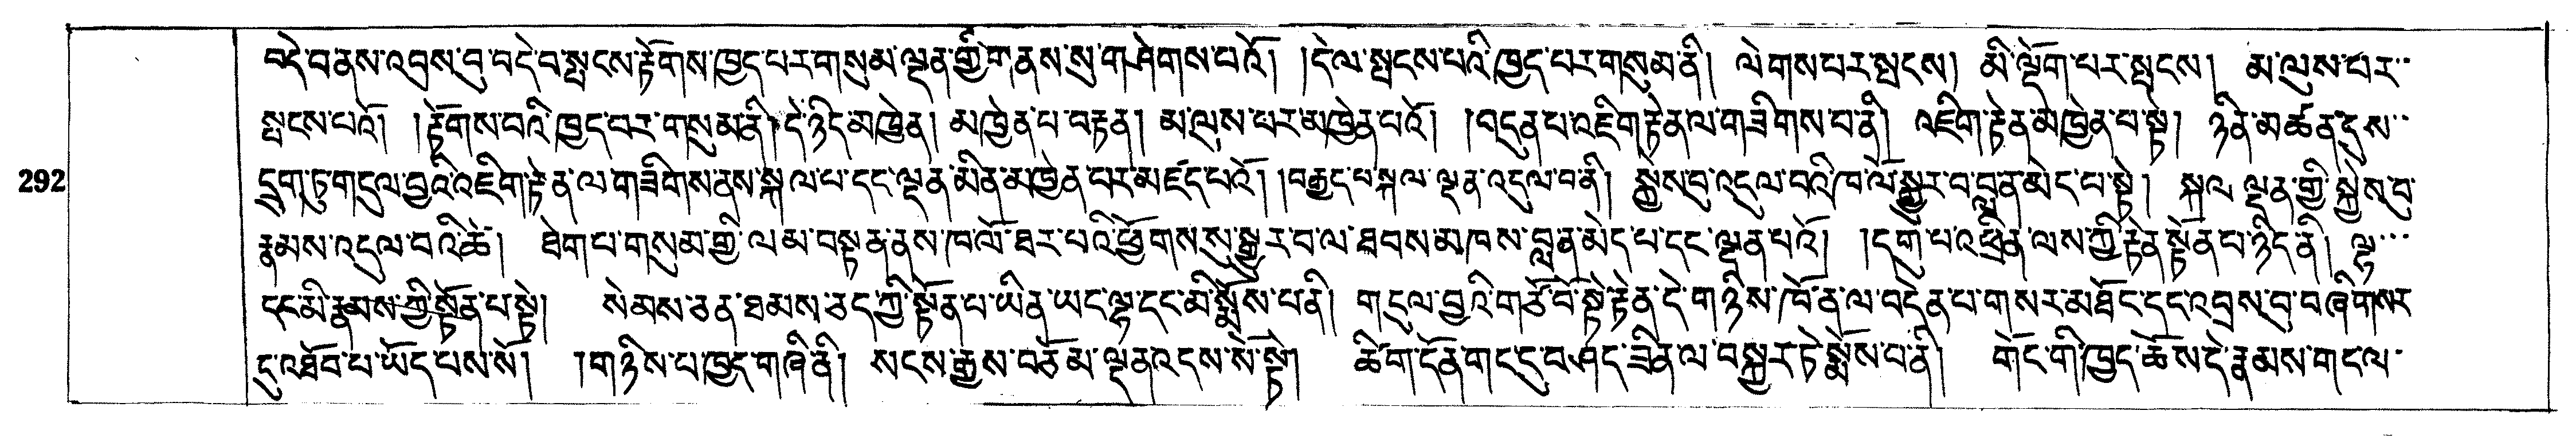བདེ་བ་ནས་འབྲས་བུ་བདེ་བ་སྤངས་རྟོགས་ཁྱད་པར་གསུམ་ལྡན་གྱི་གནས་སུ་གཤེགས་པའོ། །དེ་ལ་སྤངས་པའི་ཁྱད་པར་གསུམ་ནི། ལེགས་པར་སྤངས། མི་ལྡོག་པར་སྤངས། མ་ལུས་པར་
སྤངས་པའོ། །རྟོགས་པའི་ཁྱད་པར་གསུམ་ནི། དེ་ཉིད་མཁྱེན། མཁྱེན་པ་བརྟན། མ་ལུས་པར་མཁྱེན་པའོ། །བདུན་པ་འཇིག་རྟེན་ལ་གཟིགས་པ་ནི། འཇིག་རྟེན་མཁྱེན་པ་སྟེ། ཉིན་མཚན་དུས་
དྲུག་ཏུ་གདུལ་བྱའི་འཇིག་རྟེན་ལ་གཟིགས་ནས་སྐལ་པ་དང་ལྡན་མིན་མཁྱེན་པར་མཛད་པའོ། །བརྒྱད་པ་སྐལ་ལྡན་འདུལ་བ་ནི། སྐྱེས་བུ་འདུལ་བའི་ཁ་ལོ་སྒྱུར་བ་བླ་ན་མེད་པ་སྟེ། སྐལ་ལྡན་གྱི་སྐྱེས་བུ་
རྣམས་འདུལ་བའི་ཚེ། ཐེག་པ་གསུམ་གྱི་ལམ་བསྟན་ནས་ཁ་ལོ་ཐར་པའི་ཕྱོགས་སུ་སྒྱུར་བ་ལ་ཐབས་མཁས་བླ་ན་མེད་པ་དང་ལྡན་པའོ། །དགུ་པ་འཕྲིན་ལས་ཀྱི་རྟེན་སྟོན་པ་ཉིད་ནི། ལྷ་
དང་མི་རྣམས་ཀྱི་སྟོན་པ་སྟེ། སེམས་ཅན་ཐམས་ཅད་ཀྱི་སྟོན་པ་ཡིན་ཡང་ལྷ་དང་མི་སྨོས་པ་ནི། གདུལ་བྱའི་གཙོ་བོ་སྟེ་རྟེན་དེ་གཉིས་ཁོ་ན་ལ་བདེན་པ་གསར་མཐོང་དང་འབྲས་བུ་བཞི་གསར་
དུ་འཐོབ་པ་ཡོད་པས་སོ། །གཉིས་པ་ཁྱད་གཞི་ནི། སངས་རྒྱས་བཅོམ་ལྡན་འདས་སོ་སྟེ། ཚིག་དོན་གང་དུ་བཤད་ཟིན་ལ་བསྐྱར་ཏེ་སྨོས་པ་ནི། གོང་གི་ཁྱད་ཆོས་དེ་རྣམས་གང་ལ་